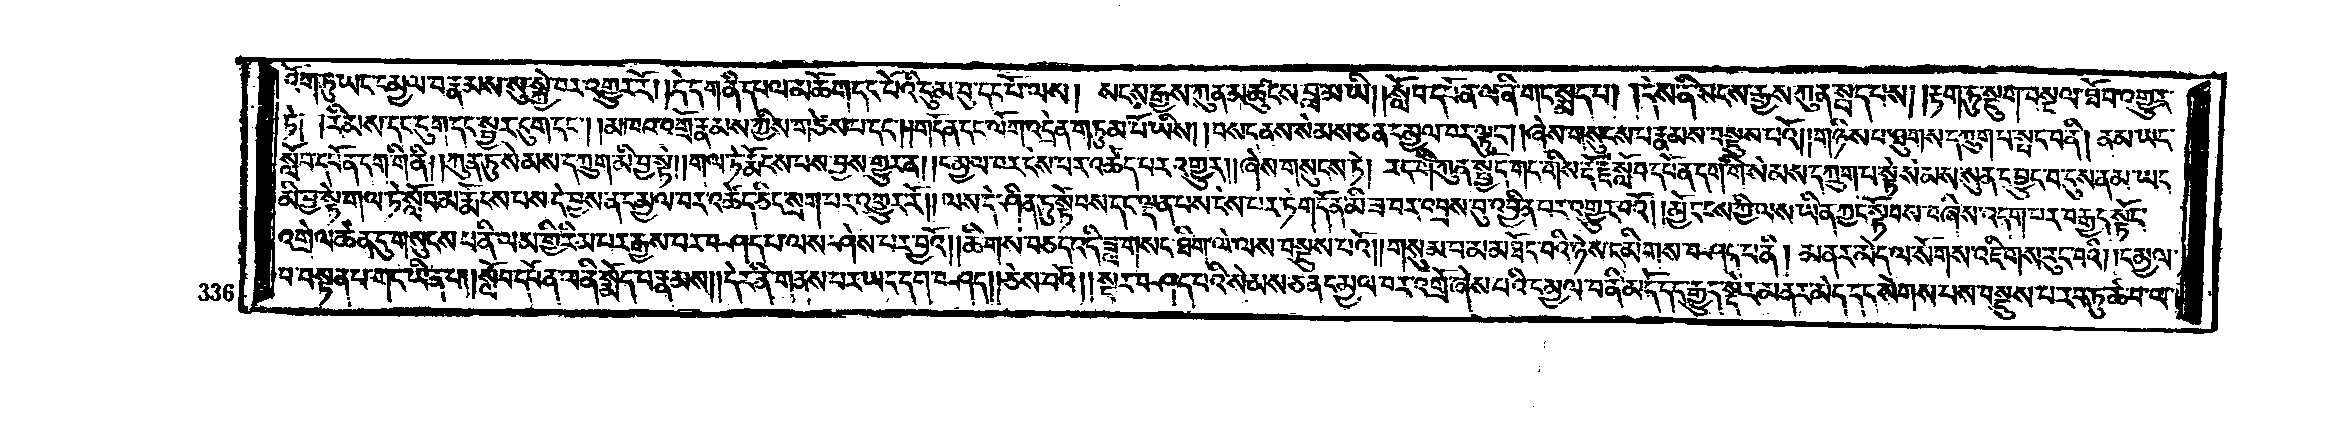འོག་ཏུ་ཡང་དམྱལ་བ་རྣམས་སུ་སྐྱེ་བར་འགྱུར་རོ། །དེ་དག་ནི་དཔལ་མཆོག་དང་པོའི་དུམ་བུ་དང་པོ་ལས། སངས་རྒྱས་ཀུན་མཚུངས་བླ་མ་ཡི། །སློབ་དཔོན་ལ་ནི་གང་སྨད་པ། །དེས་ནི་སངས་རྒྱས་ཀུན་སྦད་པས། །རྟག་ཏུ་སྡུག་བསྔལ་ཐོབ་འགྱུར་
ཏེ། །རིམས་དང་དུག་དང་སྦྱར་དུག་དང་། །མཁའ་འགྲོ་རྣམས་ཀྱིས་གཙེས་པ་དང་། །གདོན་དང་ལོག་འདྲེན་གཏུམ་པོ་ཡིས། །བསད་ནས་སེམས་ཅན་དམྱལ་བར་ལྟུང་། །ཞེས་གསུངས་པ་རྣམས་བསྡུས་པའོ། །གཉིས་པ་ཐུགས་དཀྲུག་པ་སྤང་བ་ནི། ནམ་ཡང་
སློབ་དཔོན་དག་གི་ནི། །ཀུན་ཏུ་སེམས་དཀྲུག་མི་བྱ་སྟེ། །གལ་ཏེ་རྨོངས་པས་བྱས་གྱུར་ན། །དམྱལ་བར་ངེས་པར་འཚེད་པར་འགྱུར། །ཞེས་གསུངས་ཏེ། རང་གི་ཀུན་སྤྱོད་གང་གིས་རྡོ་རྗེ་སློབ་དཔོན་དག་གི་སེམས་དཀྲུག་པ་སྟེ་སེམས་སུན་དབྱུང་བ་དུས་ནམ་ཡང་
མི་བྱ་སྟེ་གལ་ཏེ་སློབ་མ་རྨོངས་པས་དེ་བྱས་ན་དམྱལ་བར་འཚེད་ཅིང་སྲག་པར་འགྱུར་རོ། །ལས་དེ་ཤིན་ཏུ་སྟོབས་དང་ལྡན་པས་ངེས་པར་ཏེ་གདོན་མི་ཟ་བར་འབྲས་བུ་འབྱིན་པར་འགྱུར་བའོ། །མྱོང་ངས་ཀྱི་ལས་ཡིན་ཀྱང་སྟོབས་བཞིས་འདག་པར་བརྒྱད་སྟོང་
འགྲེལ་ཚན་དུ་གསུངས་པ་ནི་ལམ་གྱི་རིམ་པར་རྒྱས་པར་བཤད་པ་ལས་ཤེས་པར་བྱའོ། །ཚིགས་བཅད་འདི་ཟླ་གསང་ཐིག་ལེ་ལས་བསྡུས་པའོ། །གསུམ་པ་མ་མཐོང་བའི་ཉེས་དམིགས་བཤད་པ་ནི། མནར་མེད་ལ་སོགས་འཇིགས་རུང་བའི། །དམྱལ་
བ་བསྟན་པ་གང་ཡིན་པ། །སློབ་དཔོན་ལ་ནི་སྨོད་པ་རྣམས། །དེར་ནི་གནས་པར་ཡང་དག་བཤད། །ཅེས་པའོ། །སྔར་བཤད་པའི་སེམས་ཅན་དམྱལ་བར་འགྲོ་ཞེས་པའི་དམྱལ་བ་ནི་མདོ་དང་རྒྱུད་སྡེར་མནར་མེད་དང་སོགས་པས་བསྡུས་པ་རབ་ཏུ་ཚ་བ་ལ་